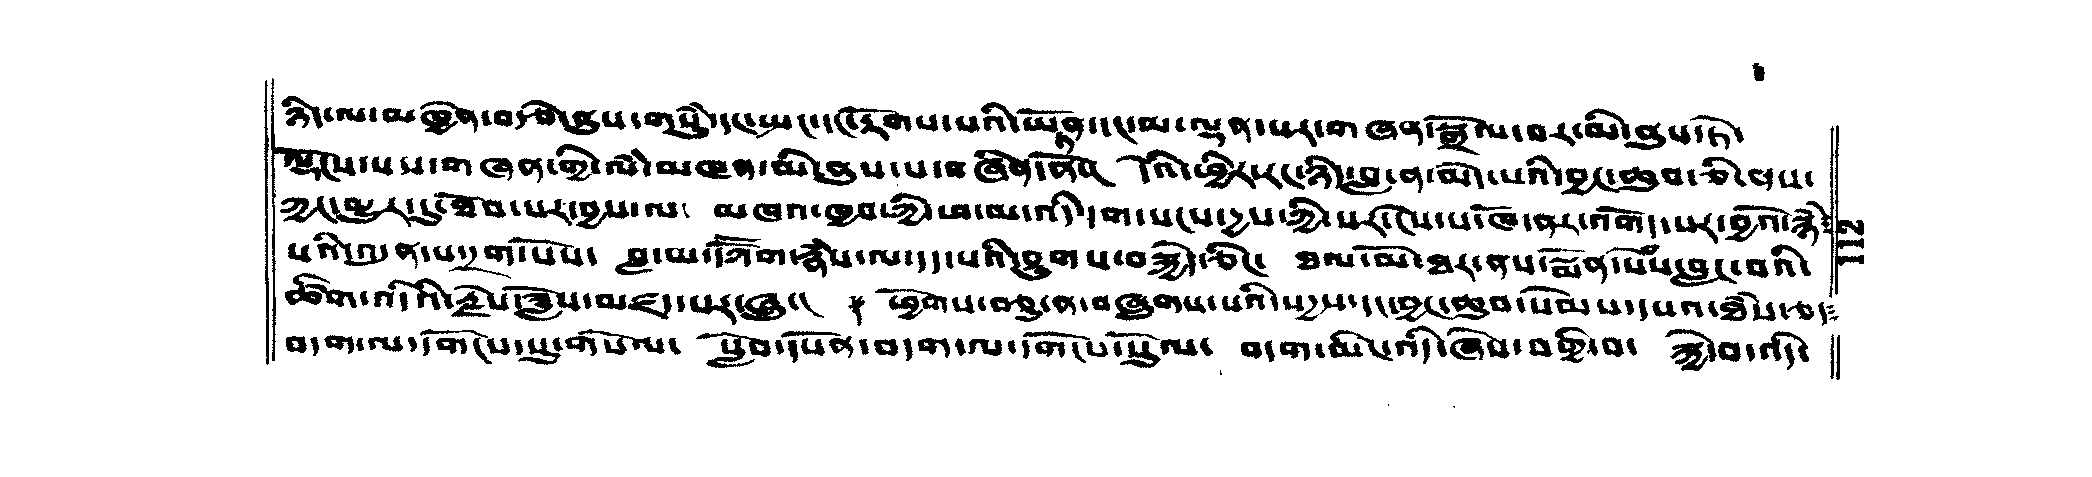ཉིད་ལ་མཁྱེན་བརྩེ་ནུས་གསུམ་དང་སྤང་དང་རྟོགས་པའི་ཡོན་ཏན་དང་མ་ལྡན་པར་གཞན་སྒྲོལ་བར་མི་ནུས་ཏེ། 
ལྡོངས་པས་གཞན་གྱི་ལམ་མཁན་མི་ནུས་པ་བཞིན་ནོ། དེའི་ཕྱིར་རང་ཉིད་བླ་ན་མེད་པའི་བྱང་ཆུབ་ཅི་ནས་
ཀྱང་མྱུར་དུ་ཐོབ་པར་བྱས་ལ། མཁའ་ཁྱབ་ཀྱི་ཕ་མ་འདི་དག་སངས་རྒྱས་ཀྱི་སར་ངེས་པ་ཁོ་ནར་འགོད་པར་བྱའོ་སྙམ་
པའི་མདུན་པ་དྲན་པོས། བླ་མ་དཀོན་མཆོག་རྣམས་ལ་དད་པའི་ཤུགས་བསྐྱེད་ཅིང་། ཐལ་མོ་ཐར་ནས་སྨོན་སེམས་བླང་བའི་
ཚིག་འདིའི་རྗེས་ཟློས་མཛད་པར་ཞུ། ༈ ཕྱོགས་བཅུ་ན་བཞུགས་པའི་སངས་རྒྱས་དང་བྱང་ཆུབ་སེམས་དཔའ་ཐམས་ཅད་
བདག་ལ་དགོངས་སུ་གསོལ། སློབ་དཔོན་བདག་ལ་དགོངས་སུ་གསོལ། བདག་མིང་འདི་ཞེས་བགྱི་བ། སྐྱེ་བ་འདི་